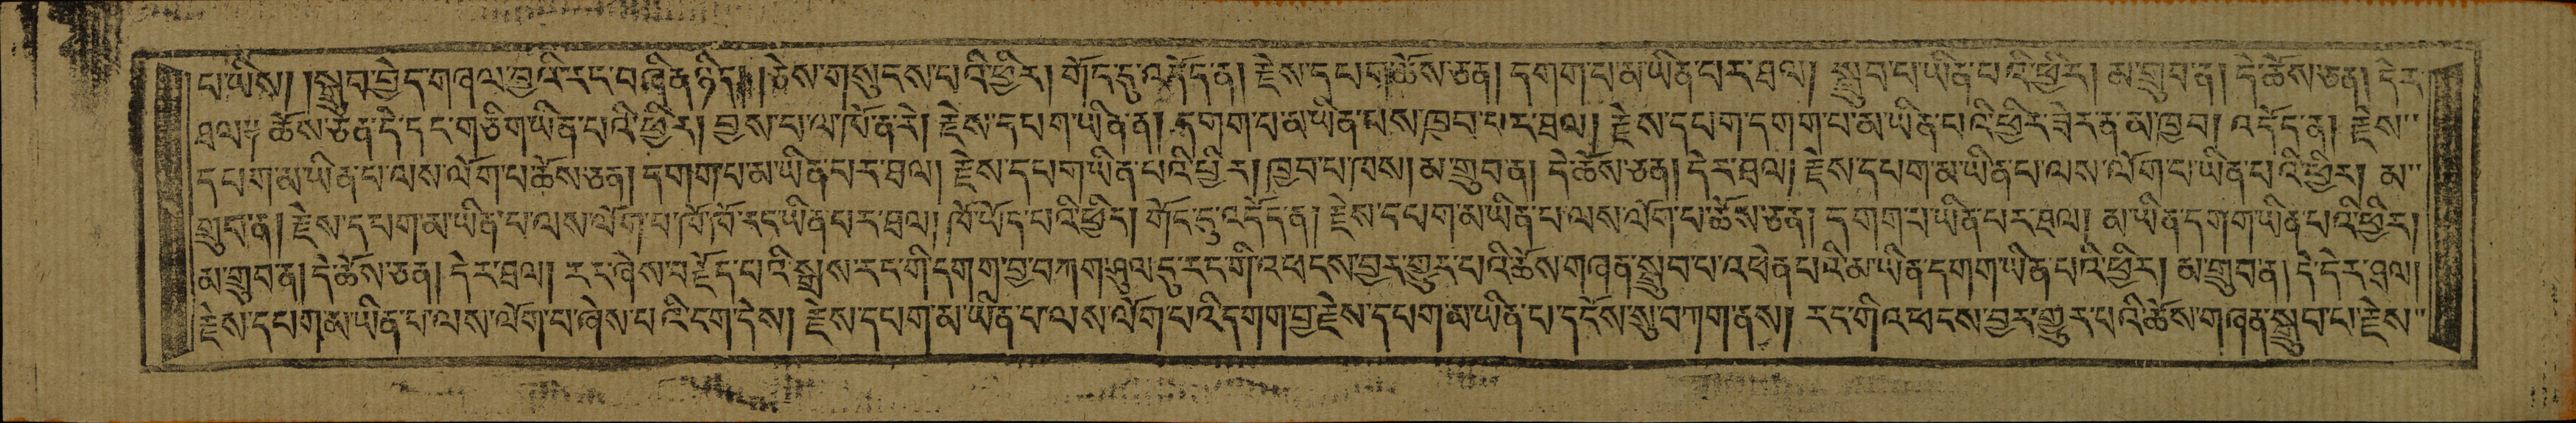པ་ཡིས། །སྒྲུབ་བྱེད་གཞལ་བྱའི་རང་བཞིན་ཉིད། །ཅེས་གསུངས་པའི་ཕྱིར། གོང་དུ་འདོད་ན། རྗེས་དཔག་ཆོས་ཅན། དགག་པ་མ་ཡིན་པར་ཐལ། སྒྲུབ་པ་ཡིན་པའི་ཕྱིར། མ་གྲུབ་ན། དེ་ཆོས་ཅན། དེར་
ཐལ༑ ཆོས་ཅན། དེ་དང་གཅིག་ཡིན་པའི་ཕྱིར། བྱས་པ་ལ་ཁོ་ན་རེ། རྗེས་དཔག་ཡིན་ན། དགག་པ་མ་ཡིན་པས་ཁྱབ་པར་ཐལ། རྗེས་དཔག་དགག་པ་མ་ཡིན་པའི་ཕྱིར་ཟེར་ན་མ་ཁྱབ། འདོད་ན། རྗེས་
དཔག་མ་ཡིན་པ་ལས་ལོག་པ་ཆོས་ཅན། དགག་པ་མ་ཡིན་པར་ཐལ། རྗེས་དཔག་ཡིན་པའི་ཕྱིར། ཁྱབ་པ་ཁས། མ་གྲུབ་ན། དེ་ཆོས་ཅན། དེར་ཐལ། རྗེས་དཔག་མ་ཡིན་པ་ལས་ལོག་པ་ཡིན་པའི་ཕྱིར། མ་
གྲུབ་ན། རྗེས་དཔག་མ་ཡིན་པ་ལས་ལོག་པ་ཁོ་ཁོ་རང་ཡིན་པར་ཐལ། ཁོ་ཡོད་པའི་ཕྱིར། གོང་དུ་འདོད་ན། རྗེས་དཔག་མ་ཡིན་པ་ལས་ལོག་པ་ཆོས་ཅན། དགག་པ་ཡིན་པར་ཐལ། མ་ཡིན་དགག་ཡིན་པའི་ཕྱིར།
མ་གྲུབ་ན། དེ་ཆོས་ཅན། དེར་ཐལ། རང་ཞེས་བརྗོད་པའི་སྒྲས་རང་གི་དགག་བྱ་བཀག་ཤུལ་དུ་རང་གི་འཕངས་བྱར་གྱུར་པའི་ཆོས་གཞན་སྒྲུབ་པ་འཕེན་པའི་མ་ཡིན་དགག་ཡིན་པའི་ཕྱིར། མ་གྲུབ་ན། དེ་དེར་ཐལ།
རྗེས་དཔག་མ་ཡིན་པ་ལས་ལོག་པ་ཞེས་པའི་ངག་དེས། རྗེས་དཔག་མ་ཡིན་པ་ལས་ལོག་པའི་དགག་བྱ་རྗེས་དཔག་མ་ཡིན་པ་དངོས་སུ་བཀག་ནས། རང་གི་འཕངས་བྱར་གྱུར་པའི་ཆོས་གཞན་སྒྲུབ་པ་རྗེས་